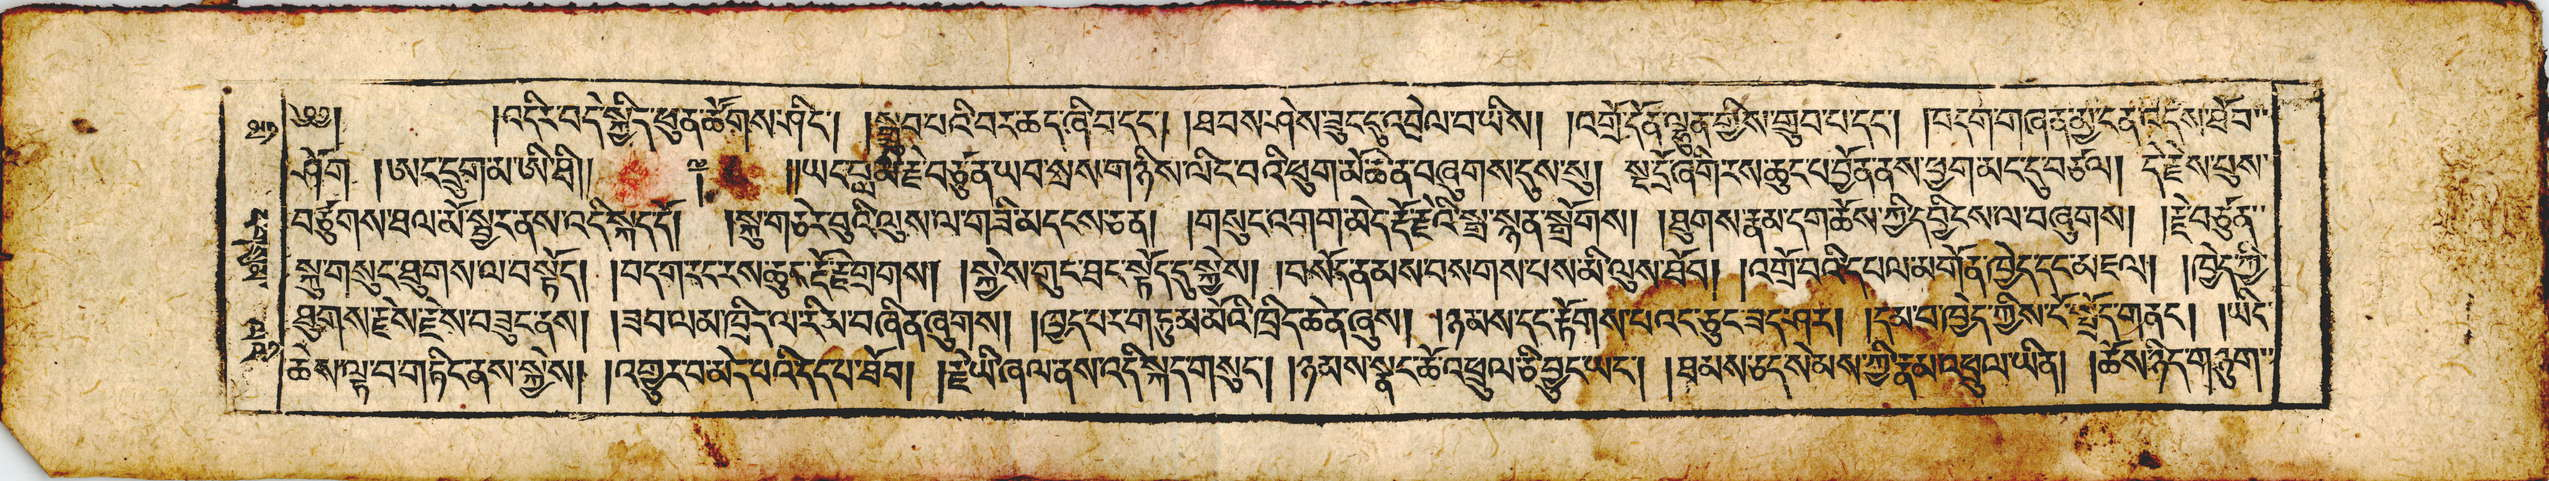འདིར་བདེ་སྐྱིད་ཕུན་ཚོགས་ཤིང་། །སྒྲུབ་པའི་བར་ཆད་ཞི་བ་དང་། །ཐབས་ཤེས་ཟུང་དུ་འབྲེལ་བ་ཡིས། །འགྲོ་དོན་ལྷུན་གྱིས་གྲུབ་པ་དང་། །བདག་གཞན་མྱ་ངན་འདས་ཐོབ་
ཤོག །ཨང་དྲུག་མ་ཨི་ཐི།།ཡང་བླ་མ་རྗེ་བཙུན་ཡབ་སྲས་གཉིས་ལིང་བའི་ཕུག་མོ་ཆེ་ན་བཞུགས་དུས་སུ། སྔ་དྲོ་ཞིག་རས་ཆུང་པ་བྱོན་ནས་ཕྱག་མང་དུ་བཙལ། དེ་རྗེས་པུས་
བཙུགས་ཐལ་མོ་སྦྱར་ནས་འདི་སྐད་དོ། །སྐུ་གཅེར་བུའི་ལུས་ལ་གཟི་མདངས་ཅན། །གསུང་འགག་མེད་རྡོ་རྗེའི་སྒྲ་སྙན་སྒྲོགས། །ཐུགས་རྣམ་དག་ཆོས་ཀྱི་དབྱིངས་ལ་བཞུགས། །རྗེ་བཙུན་
སྐུ་གསུང་ཐུགས་ལ་བསྟོད། །བདག་རང་རས་ཆུང་རྡོ་རྗེ་གྲགས། །སྐྱེ་ས་གུང་ཐང་སྟོད་དུ་སྐྱེས། །བསོད་ནམས་བསགས་པས་མི་ལུས་ཐོབ། །འགྲོ་བའི་དཔལ་མགོན་ཁྱེད་དང་མཇལ། །ཁྱེད་ཀྱི་
ཐུགས་རྗེས་རྗེས་བཟུང་ནས། །ཟབ་ལམ་ཁྲིད་ལ་རིམ་བཞིན་ཞུགས། །ཁྱད་པར་གཏུམ་མོའི་ཁྲིད་ཆེན་ཞུས། །ཉམས་དང་རྟོགས་པའང་ཅུང་ཟད་ཤར། །དམ་པ་ཁྱེད་ཀྱིས་ངོ་སྤྲོད་གནང་། །ཡིད་
ཆེས་ལྟ་བ་གཏིང་ནས་སྐྱེས། །འགྱུར་བ་མེད་པའི་དད་པ་ཐོབ། །རྗེ་ཡི་ཞལ་ནས་འདི་སྐད་གསུངས། །ཉམས་སྣང་ཆོ་འཕྲུལ་ཅི་བྱུང་ཡང་། །ཐམས་ཅད་སེམས་ཀྱི་རྣམ་འཕྲུལ་ཡིན། །ཆོས་ཉིད་གཉུག་